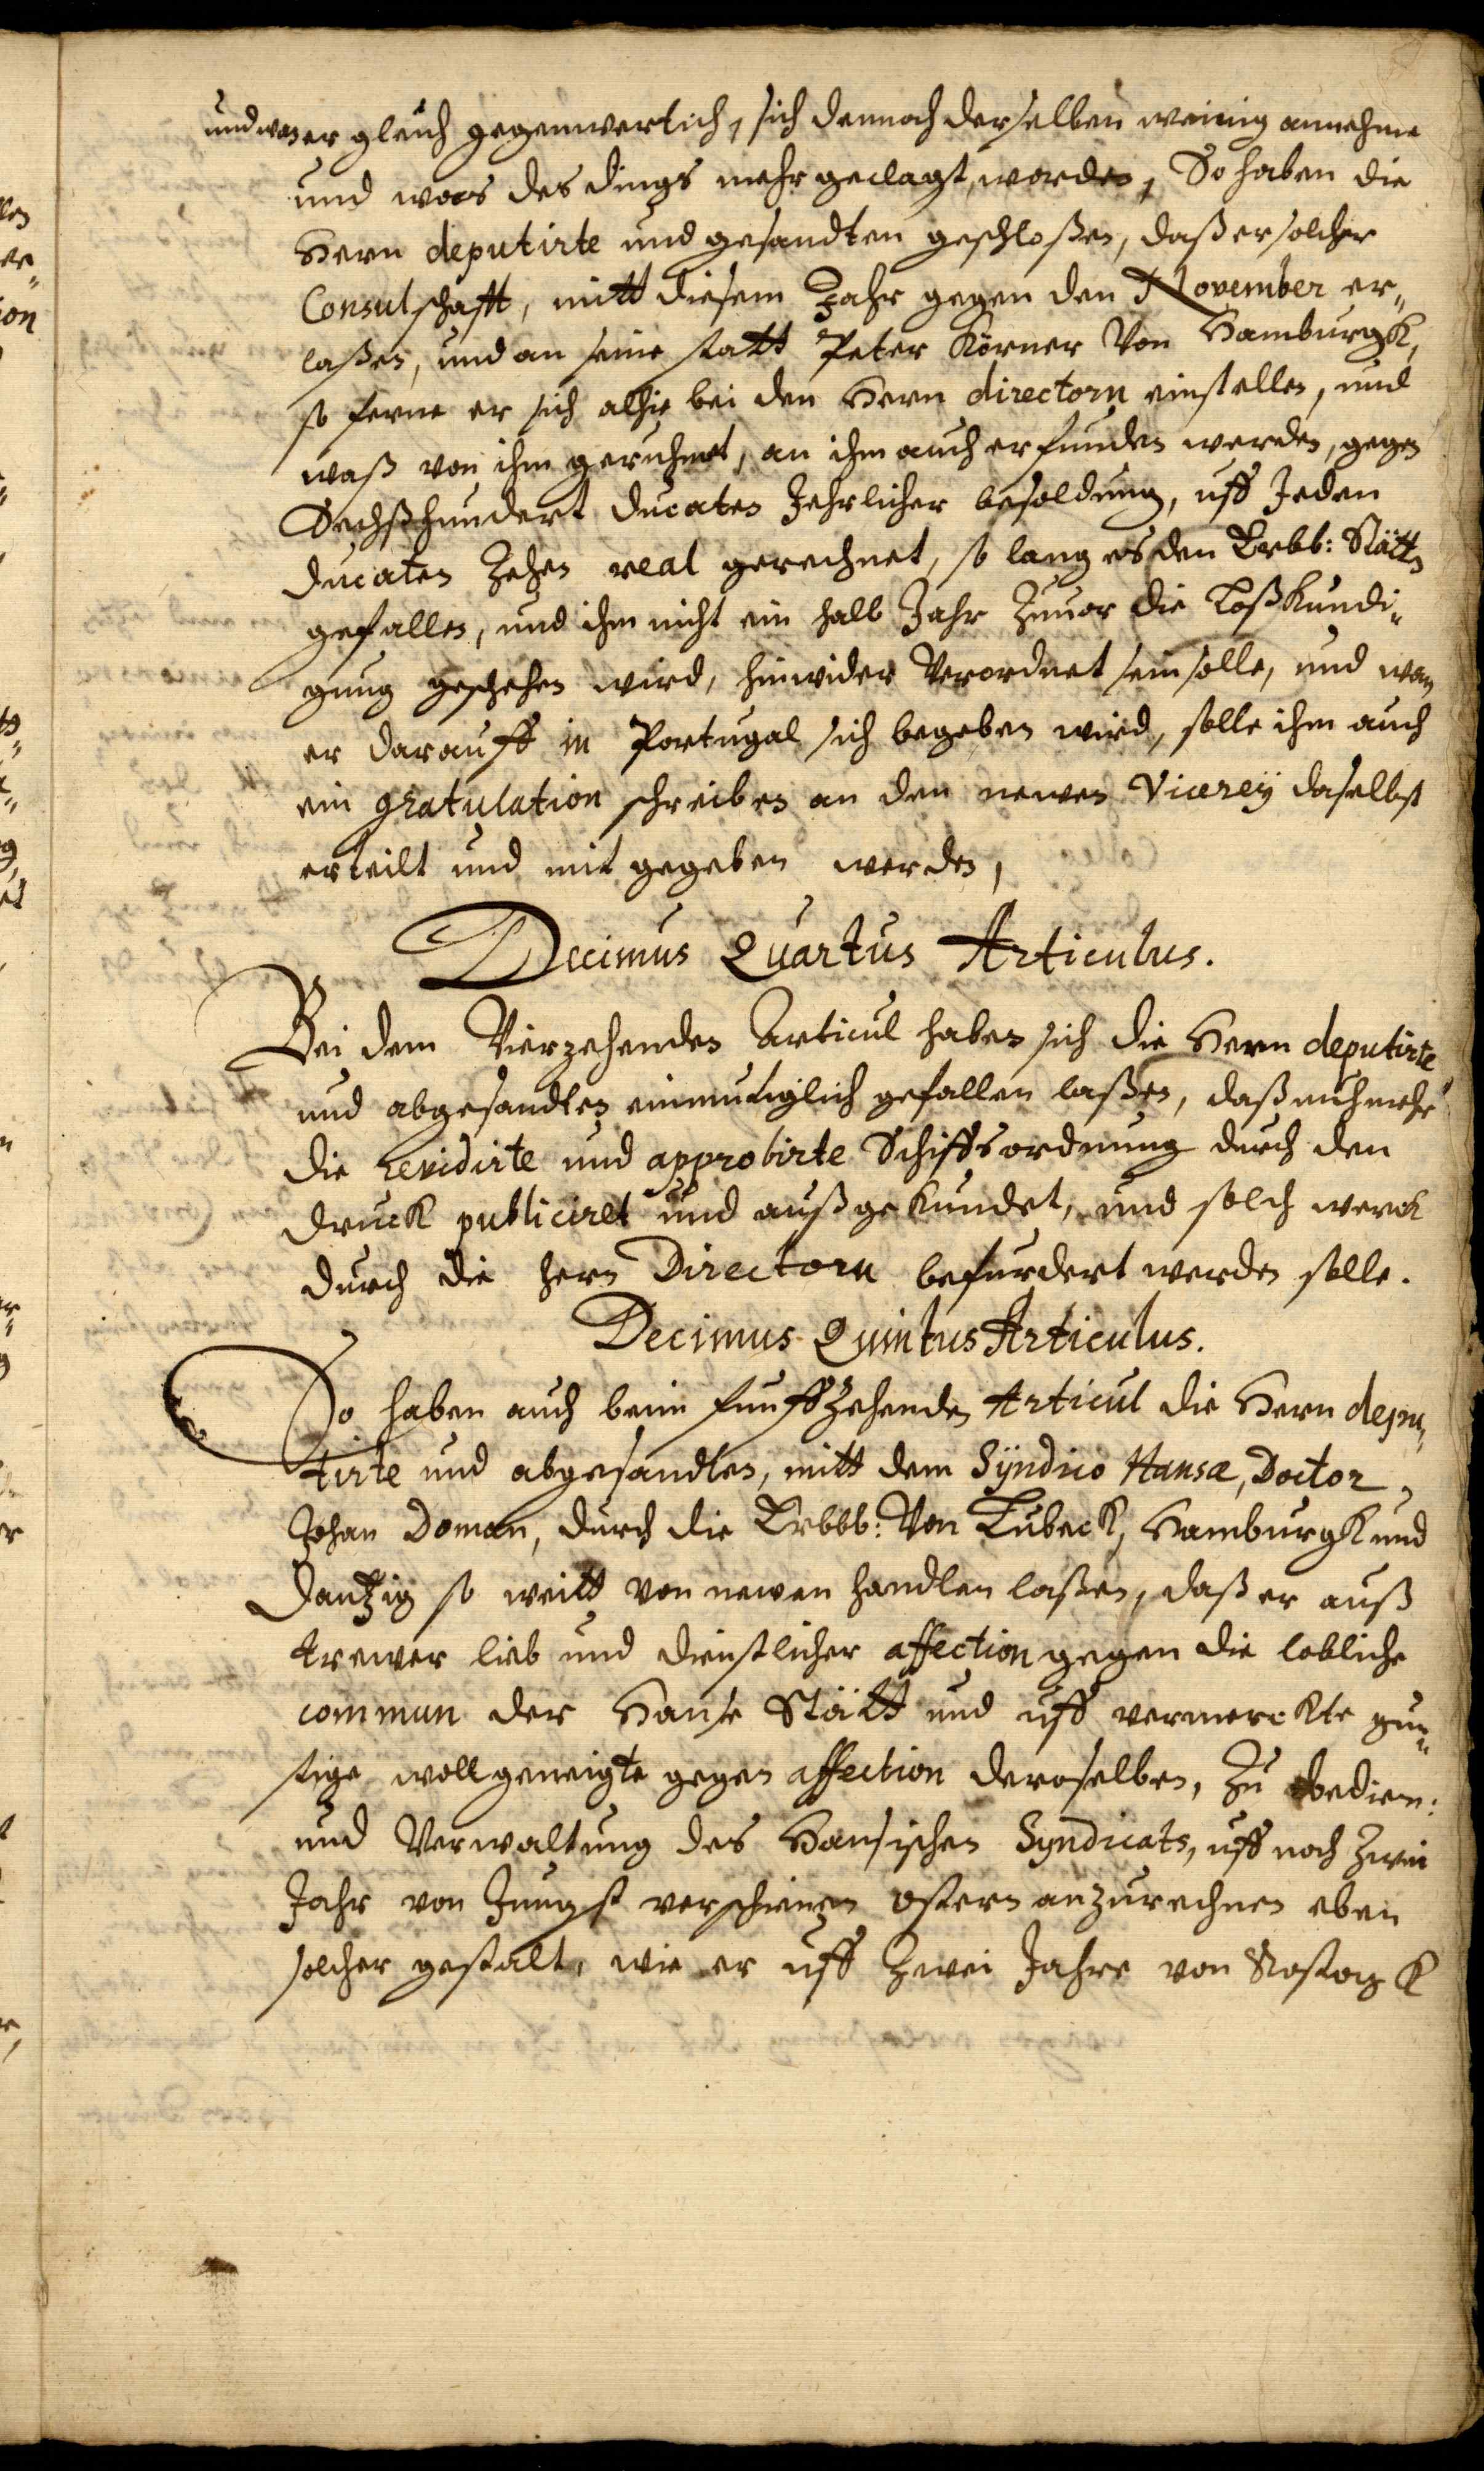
und was er gleich gegenwertich, sich dennoch derselben weinig annehme
und was des dings mehr geclagt worden, So haben die
Hern deputirte vnd gesandten geschloßen, daß er solcher
Consulschafft, mitt diesem Jahr gegen den November er¬
laßen, vnd an seine statt Peter Körner von Hamburgk,
so ferne er sich alhie bei den Hern directorn einstellen, und
waß von ihm geruhmet, an ihm auch erfunden werden, gegen
Sechßhundert ducaten Jehrlicher besoldung, uff Jeden
ducaten Zehen real gerechnet, so lang es den Erbb: Stätten
gefallen, und ihm nicht ein halb Jahr zuvor die Loßkundi¬
gung geschehen wird, hinwider verordnet sein solle, und wan
er darauff in Portugal sich begeben wird, solle ihm auch
ein gratulation schreiben an den newen Vicereij daselbst
erteilt und mit gegeben werden,
Decimus Quartus Articulus.
Bei dem Vierzehenden Articul haben sich die Hern deputirte
und abgesandten einmutiglich gefallen laßen, daß nuhmehr
die revidirte und approbirte Schiffsordnung durch den
druck publiciret vnd außgekundet, vnd solch werck
durch die hern Directorn befurdert werden solle.
Decimus Quintus Articulus.
So haben auch beim funffzehenden Articul die Hern depu¬
tirte und abgesandten, mitt dem Sijndico Hansae, Doctor
Johan Doman, durch die Erbbb: Von Lubeck, Hamburgk und
Dantzig so weitt von newen handlen laßen, daß er auß
trewer lieb und dienstlicher affection gegen die lobliche
commun der Hanse Stätt und uff vermerckte gun¬
stige woll geneigte gegen affection deroselben, zu bedien:
und Verwaltung des Hansischen Syndicats, uff noch Zwei
Jahr von Jungst verschienen Ostern anzurechnen eben
solcher gestalt, wie er uff Zwei Jahre von Rostogk
